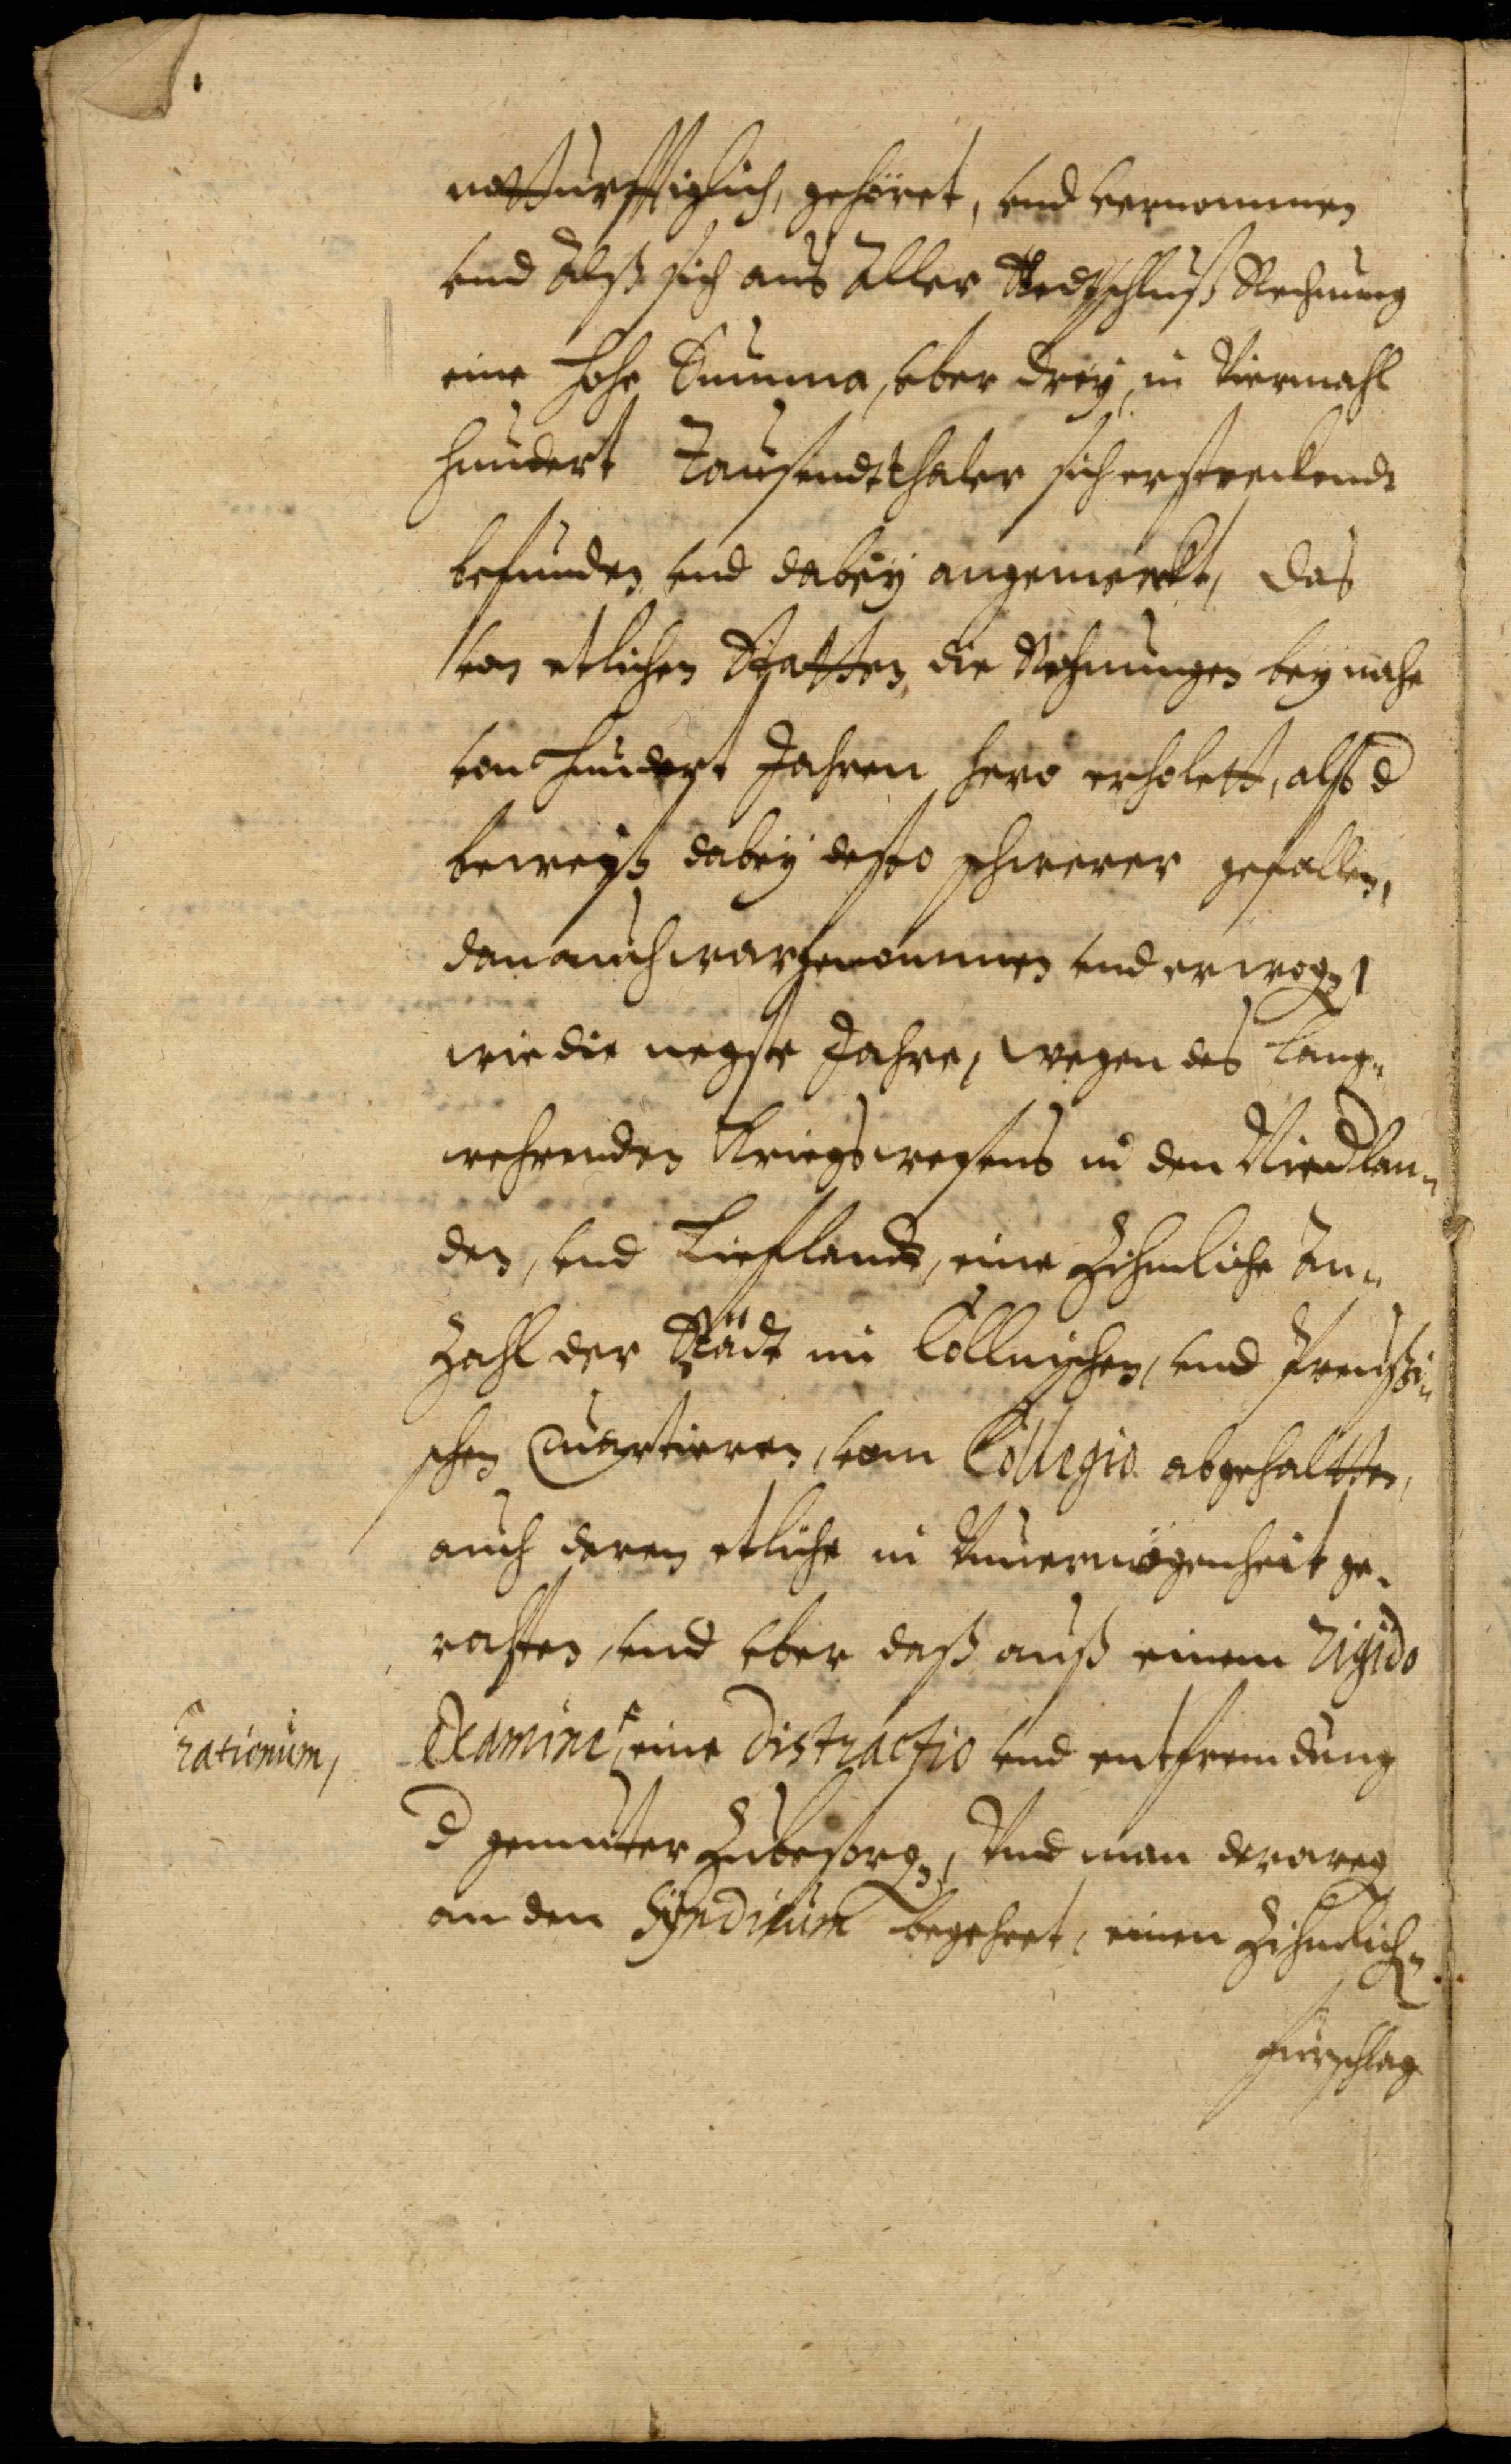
notturfftiglich, gehöret, vnd vernommen
vnd alß sich aus aller Redtschluß Rechnung
eine hohe Summa, vber dreij, in viermahl
hundert Tausendt thaler sich erstreckendt
befunden vnd dabeij angemerckt, das
von etlichen Statten die Rechnungen bey nahe
von hundert Jahren hero erholett, also der
beweiß dabeij desto schwerer gefallen,
dan auch warhgenommen vnd erwogen,
wie die negste Jahre, wegen des lang¬
wehrenden Kriegswesens in den Niederlan¬
den, vnd Lieflandt, eine zihmliche An¬
zahl der Städt im Cöllnischen, vnd Preußi¬
schen Quartieren, vom Collegio abgehaltten,
auch deren etliche in vnuermögenheit ge¬
rahten, vnd vber daß auß einem rigido
examiret F, eine distractio vnd entfremdung
der gemuter zubesorgen, vnd man derowegen
an den Syndicum begeret, einen zihmlichen
furschlag
F
rationum,
